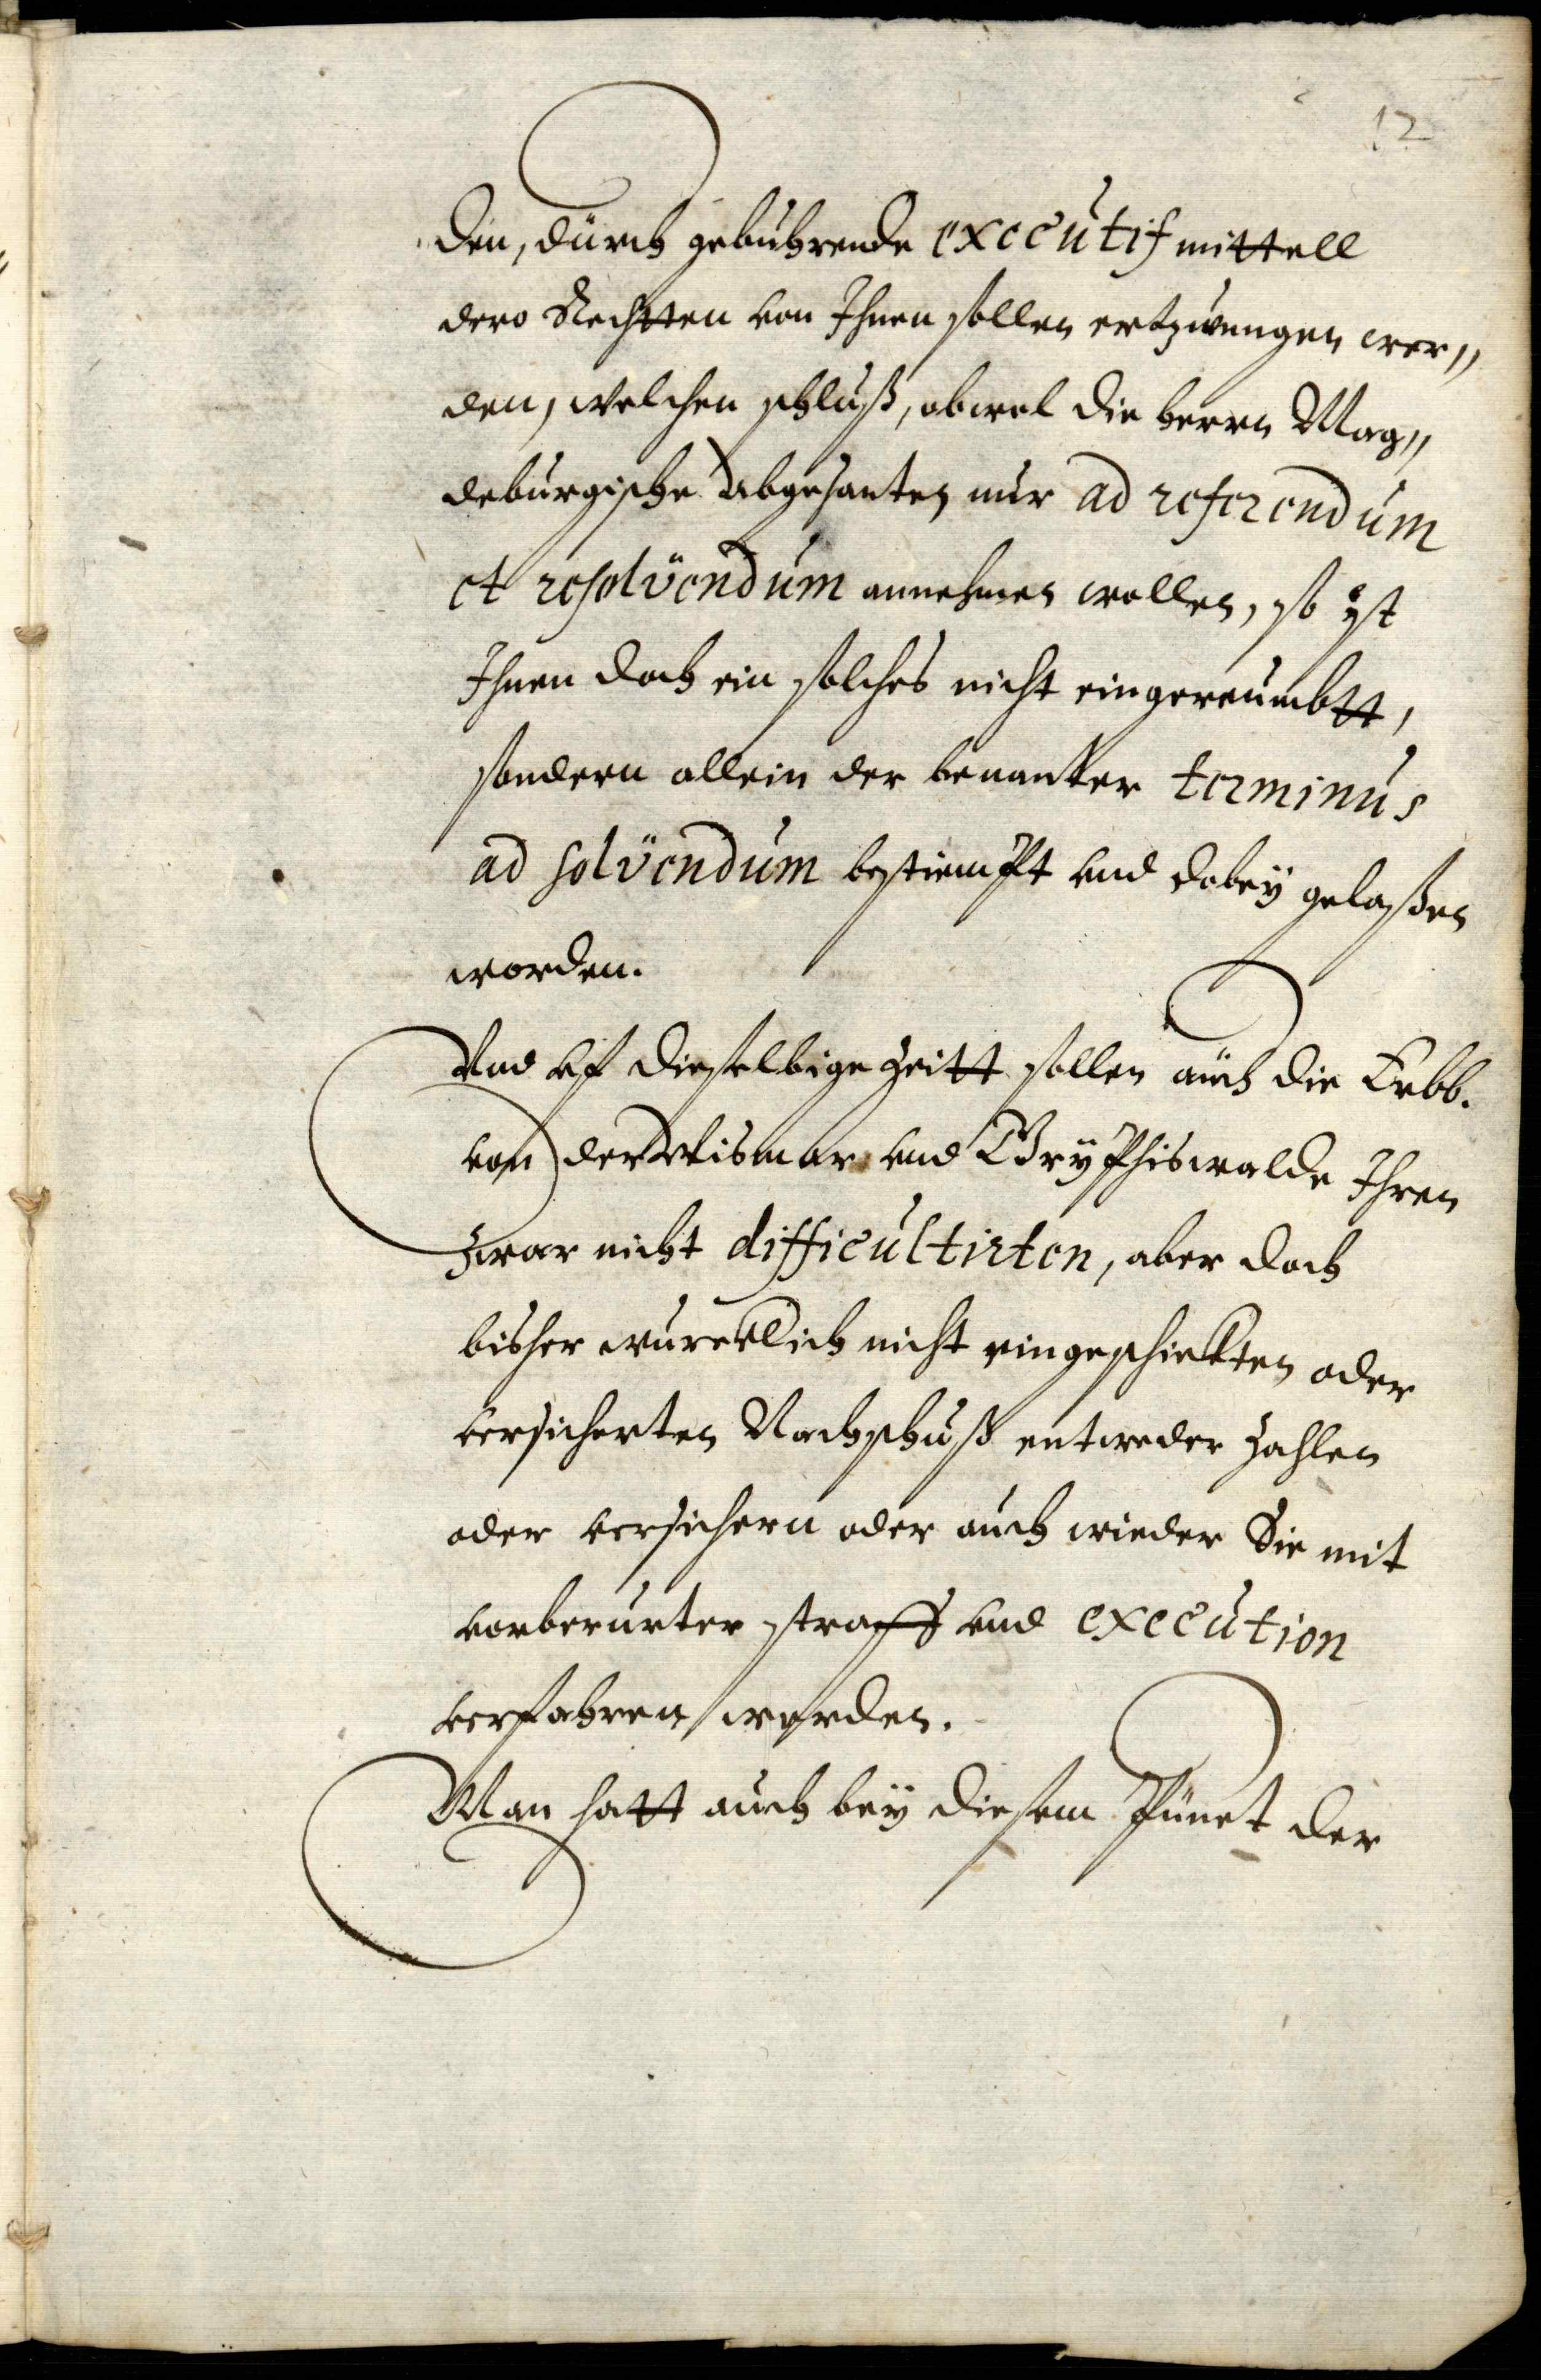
12
den, durch gebuhrende executif mittell
dero Rechtten von Ihnen sollen ertzwungen wer¬
den, welchen schluß, obwol die herrn Mag¬
deburgische Abgesanten nur ad referendum
et resolvendum annehmen wollen, so ist
Ihnen doch ein solches nicht eingereumbtt,
sondern allein der benanter terminus
ad solvendum bestiempt vnd dobeij gelaßen
worden.
Vnd vf dieselbige Zeitt sollen auch die Erbb.
von der Wismar vnd Grijphiswalde Ihren
zwar nicht difficultirten, aber doch
bisher wurcklich nicht eingeschickten oder
versicherten Nachschuß entweder zahlen
oder versichern oder auch wieder Sie mit
vorberurter straff vnd execution
verfahren werden.
Man hatt auch beij diesem Pünct der
